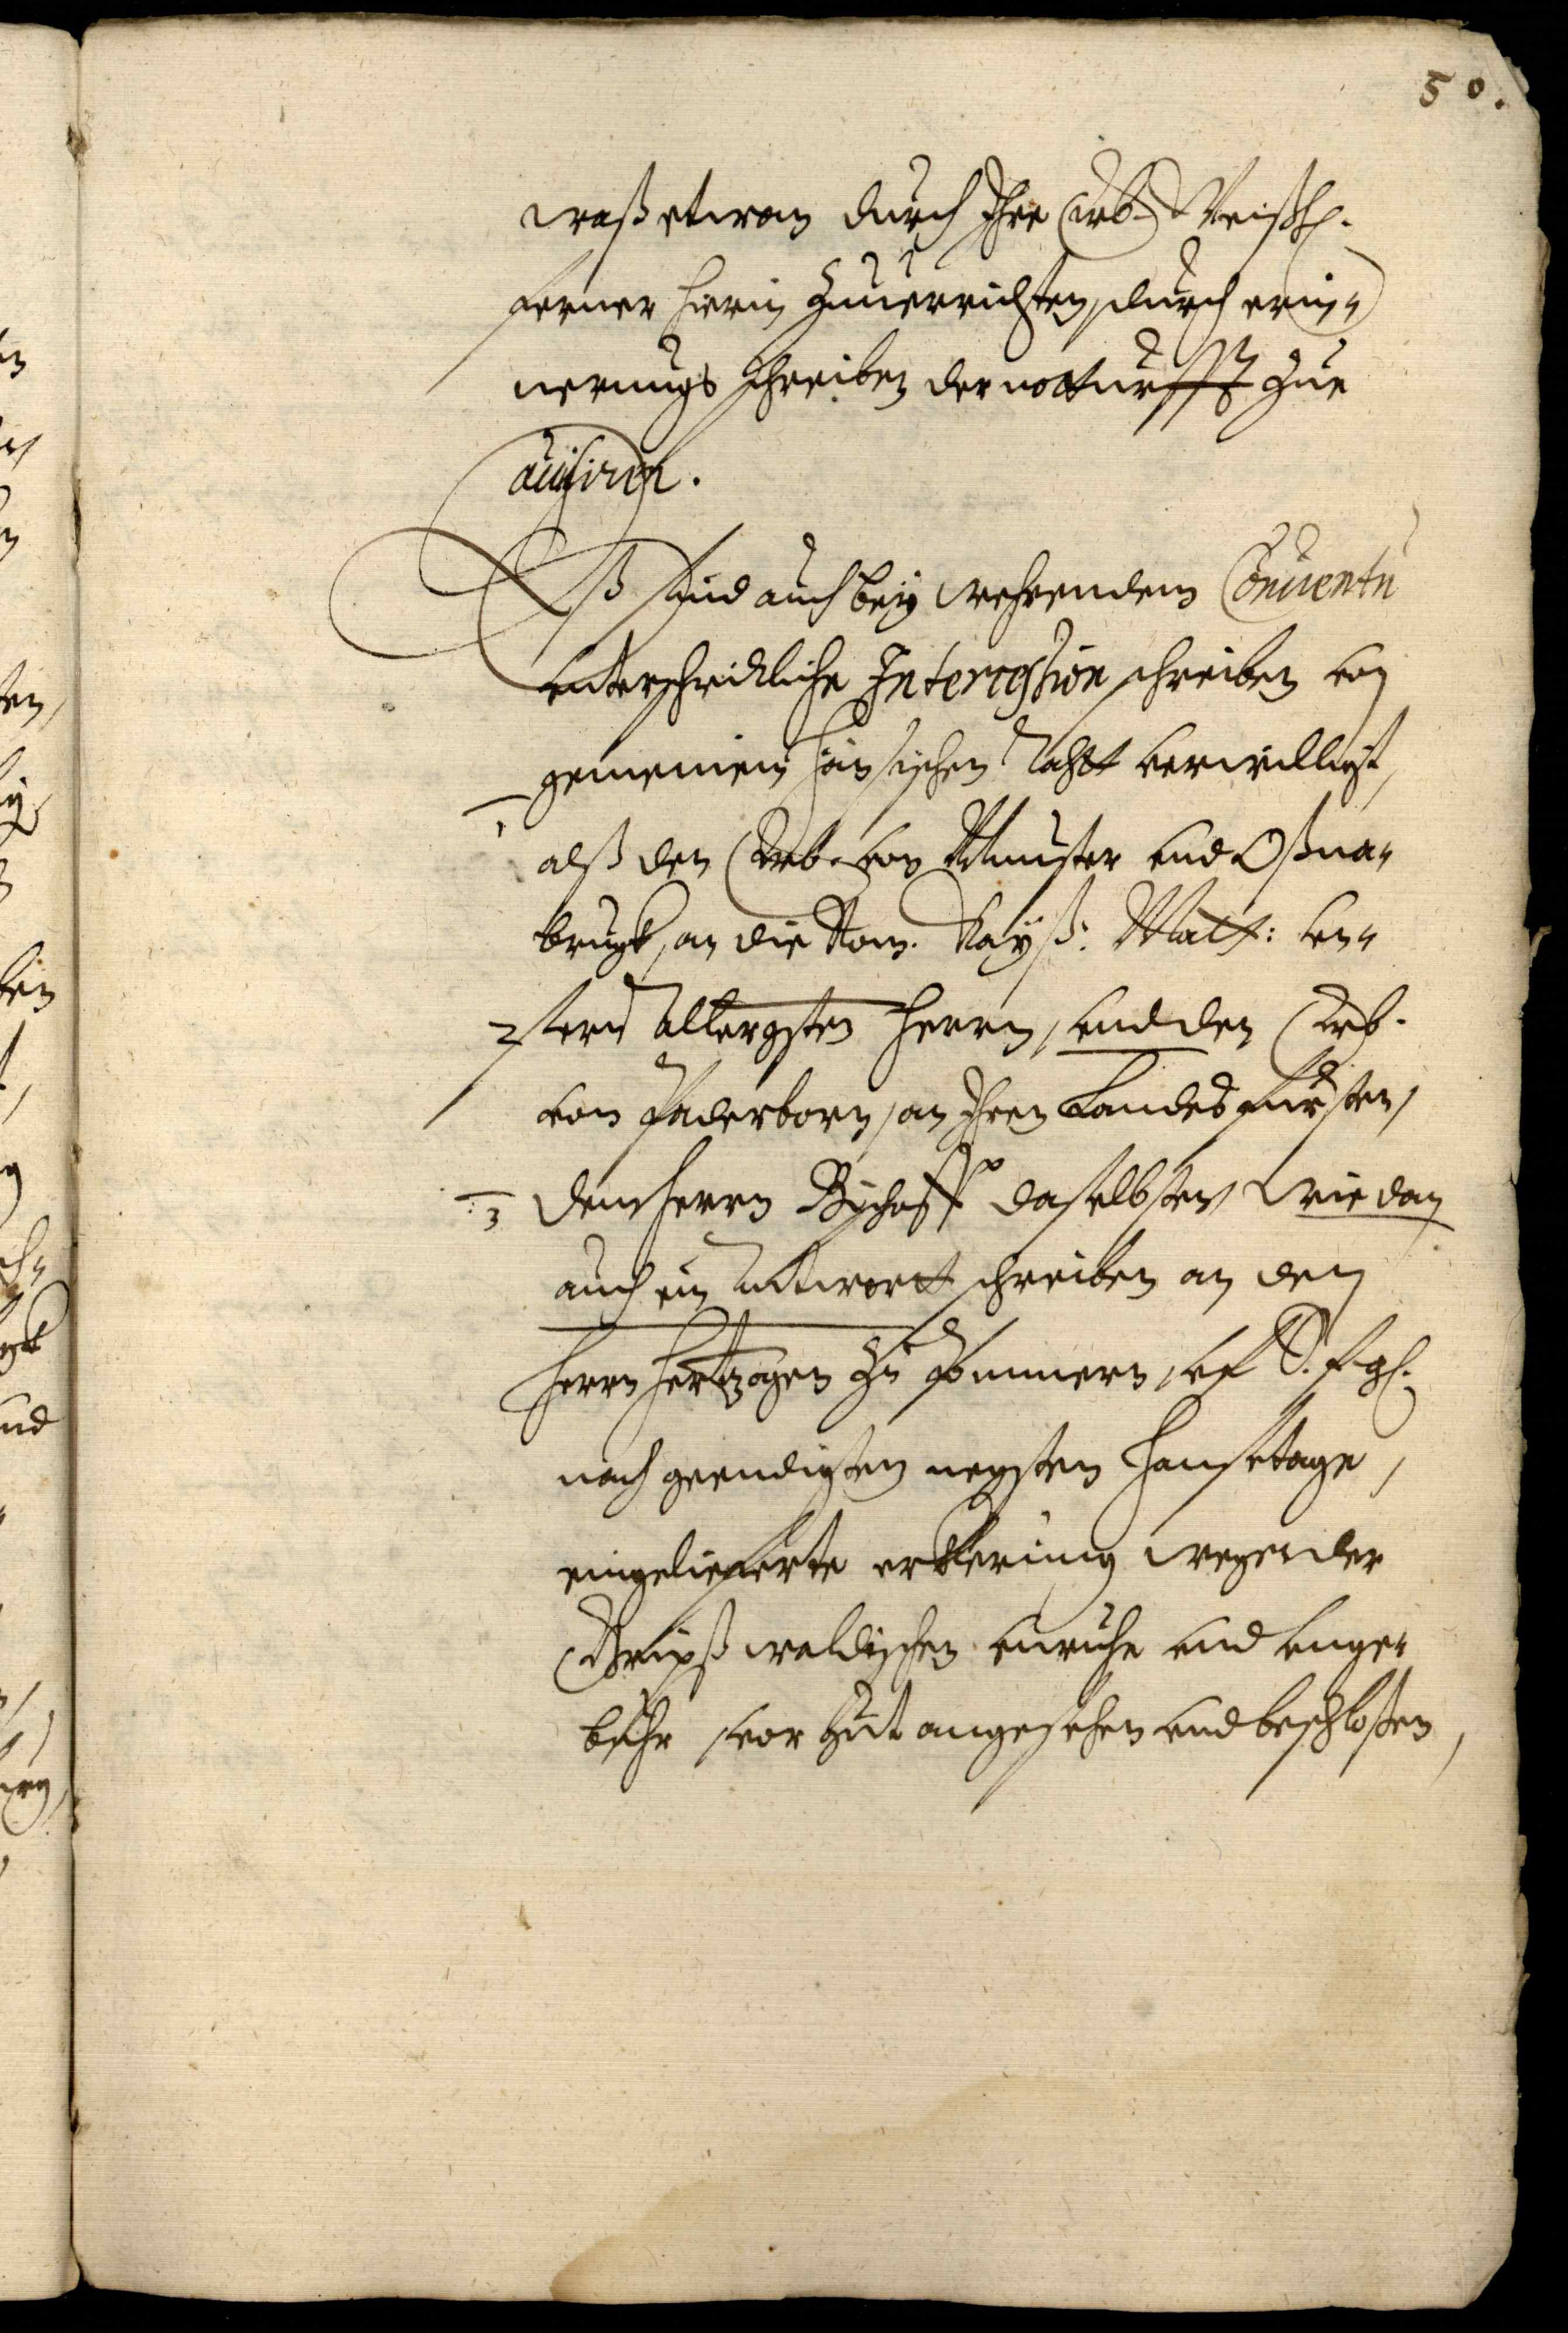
50.
waß etwan durch iher Erb. Weißhl.
ferner hierin zuuerrichten, durch erin¬
nerungs schreiben der notturfft zue
ausiren.
Eß sind auch beij wehrendem Conuentu
vnderschiedtliche Intercession schreiben von
1. gemeinem hansischen rahtt verwilligt
alß den Erb. von Munster vnd Oßna¬
brugk an die Rom. Kaijß: Matt: vn¬
2. sern Allergsten herrn, vnd den Erb.
von Paderborn an Ihren Landesfürsten,
3. Dem herrn Bischoff daselbsten wie dan
auch ein Anderortt schreiben an den
herrn Hertzogen zu Pommern, vf S. fgl.
nach gnedigsten negsten hansetage,
eingelieferte erklerung wegen der
Gripßwaldischen vnruhe vnd vnge¬
buhr, vor gut angesehen vnd beschloßen,
